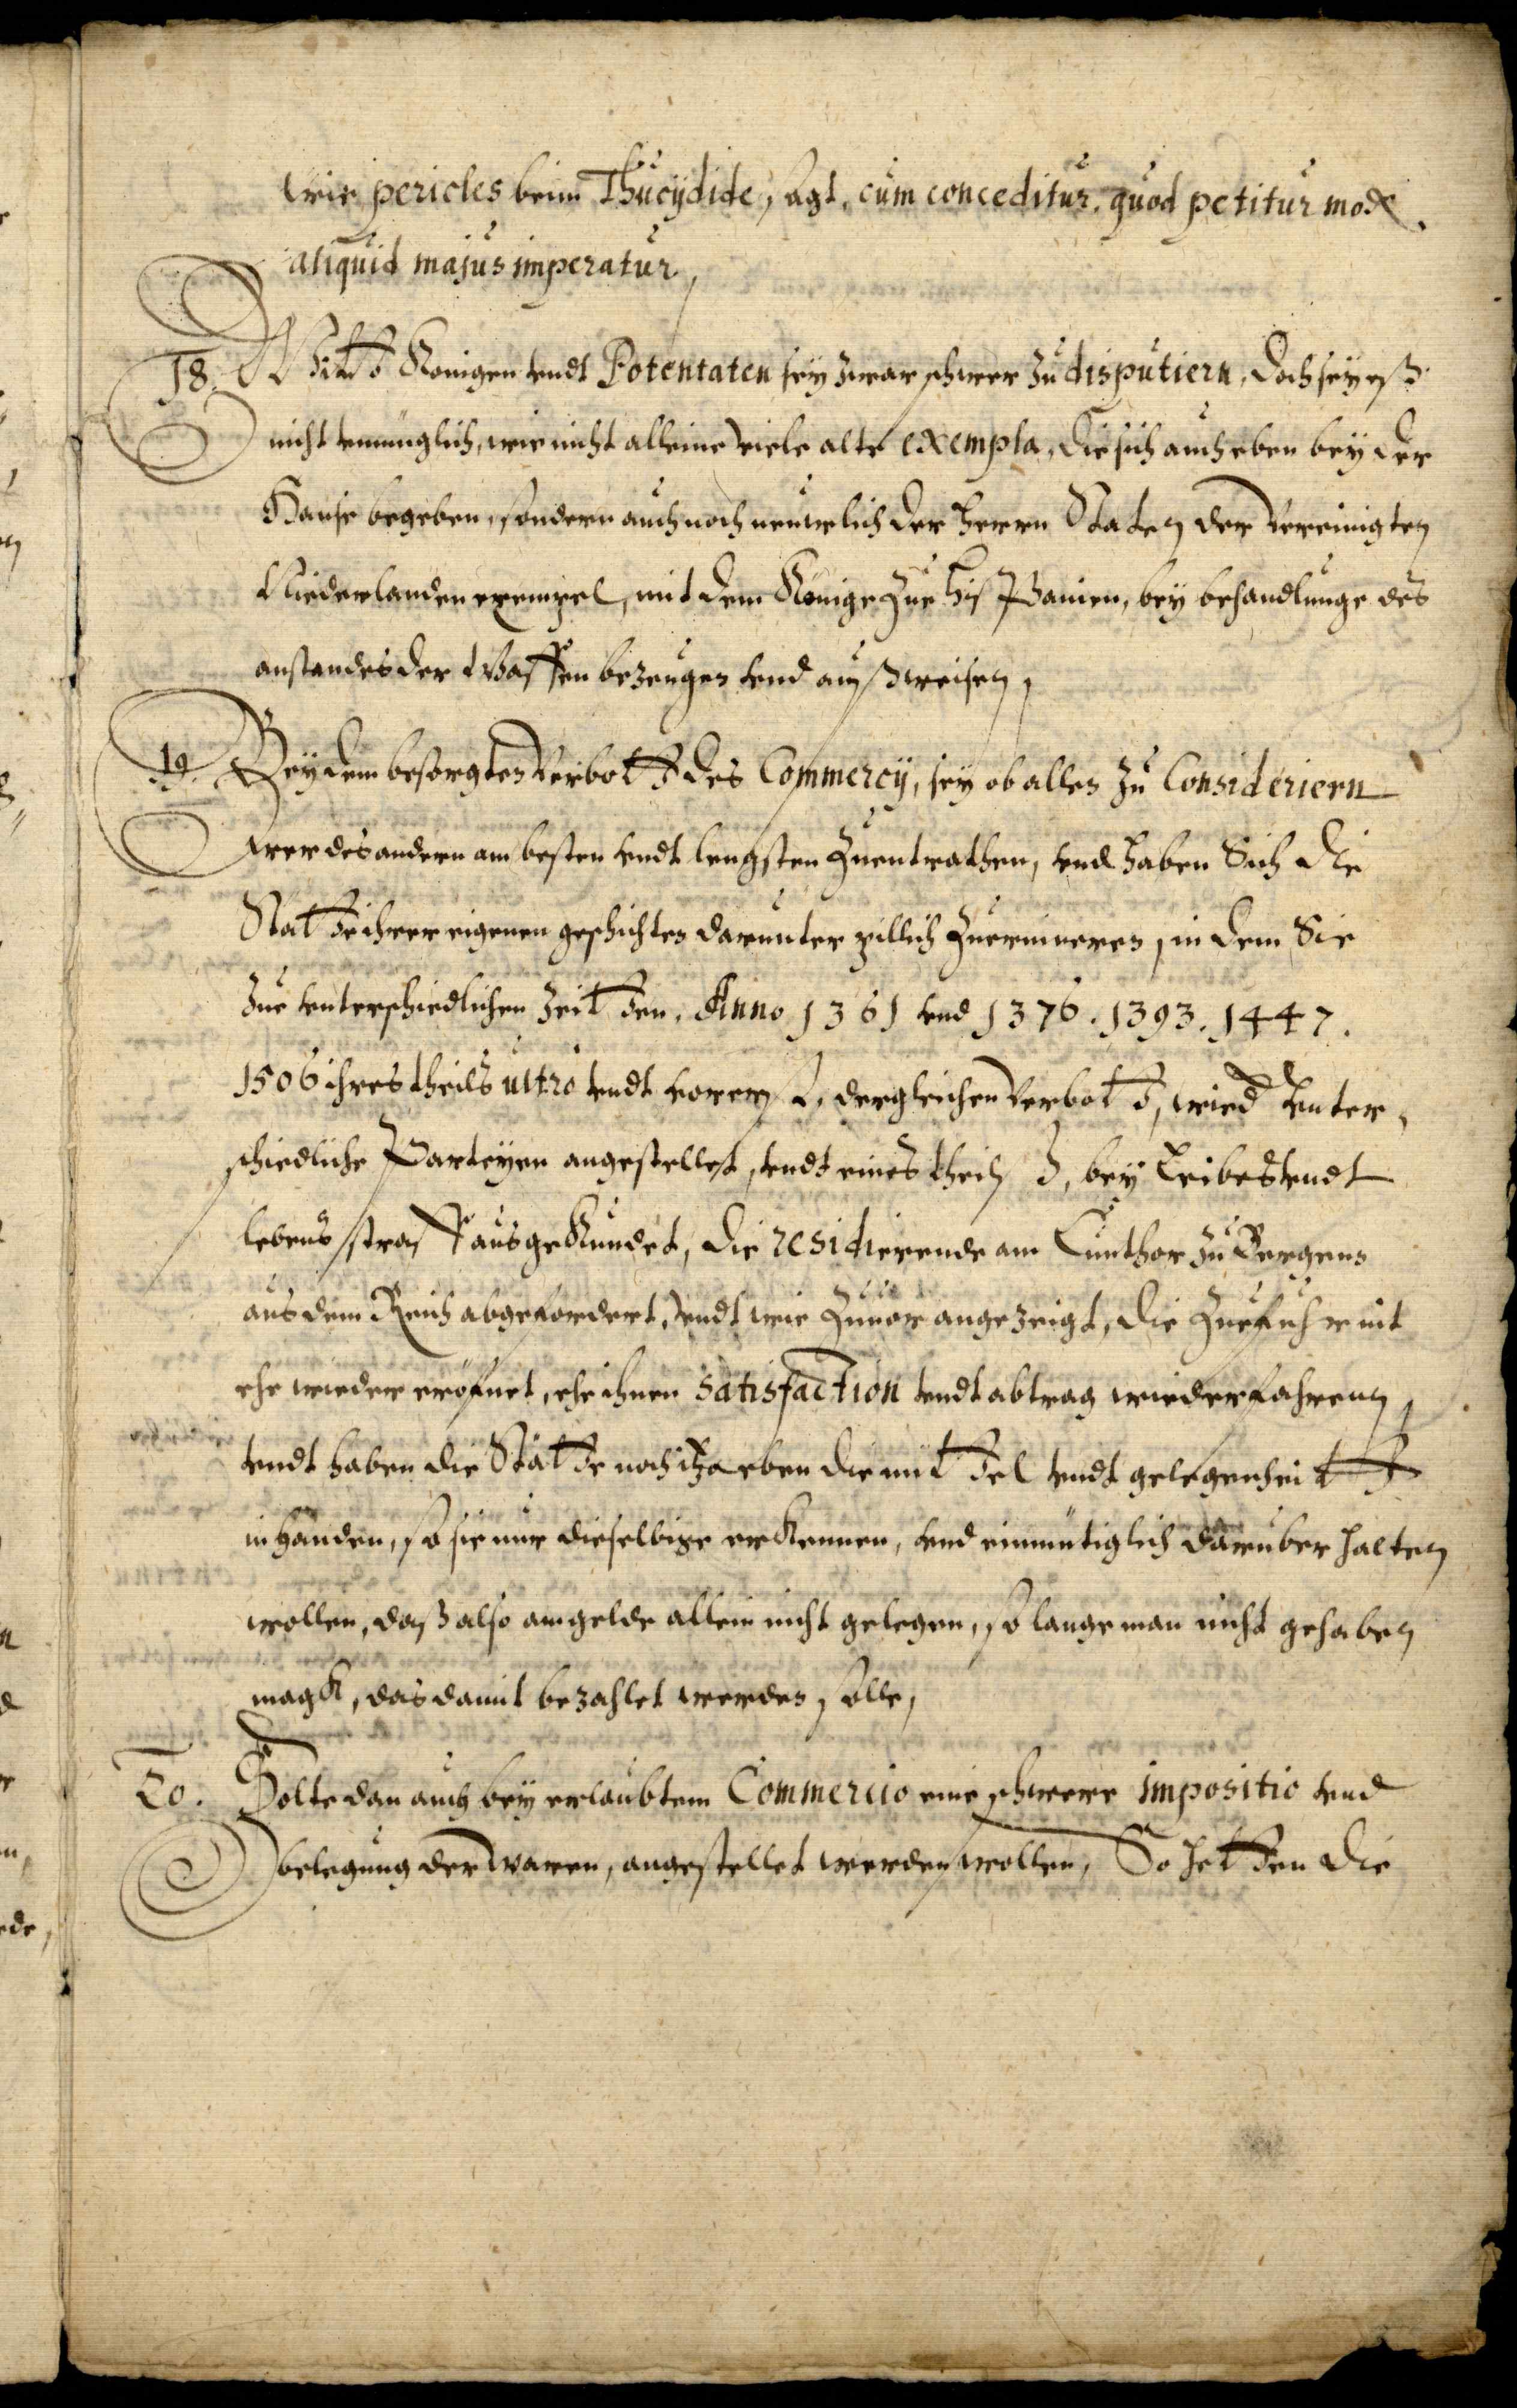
wie pericles beim Thucijdide sagt, cum conceditur, quod petitur mox.
aliquid majus imperatur,
Mitt Konigen vndt Potentaten seij zwar schwer zu disputiern, Doch seij eß
nicht vnmüglich, wie nicht alleine viele alte exempla, die sich auch eben beij der
Hanse begeben, sondern auch noch neuwlich der herrn Staten der Vereinigten
Niederlanden exempel, mit dem Könige Zue Hispanien, beij behandlunge des
anstandes der Waffen bezeugen vnd außweisen,
Beij dem besorgten Verbott des Commercij, seij ob allen zu Consideriern
wer des andern am besten vndt lengsten zuentrathen, vnd haben Sich die
Stätte ihrer eigenen geschichten darunter pillich Zuerinneren, in dem Sie
zue vnterschiedlichen zeitten, Anno 1361 vnd 1376. 1393. 1447.
1506 ihres theils ultro vndt vorerst, dergleichen Verbott, wieder vnter¬
schiedliche Parteijen angestellet, vndt eines theilß, beij Leibes vndt
lebens straff ausgekundet, die residierende am Cunthor zu Bergenn
aus dem Reich abgefordert, vndt wie Zuuor angezeigt, die Zuefuhr nit
ehr wieder eröfnet, ehe ihnen satisfaction vndt abtrag wiederfahrenn,
vndt haben die Stätte noch itzo eben die mittel vndt gelegenheitt
in handen, so sie nur dieselbige erkennen, vnd einmütiglich daruber halten
wollen, daß also am gelde allein nicht gelegen, so lange man nicht gehaben
magk, das damit bezahlet werden solle,
Solte dan auch beij erlaubtem Commercio eine schwere impositio vnd
belegung der waren, angestellet werden wollen, So hetten die
18.
19.
20
